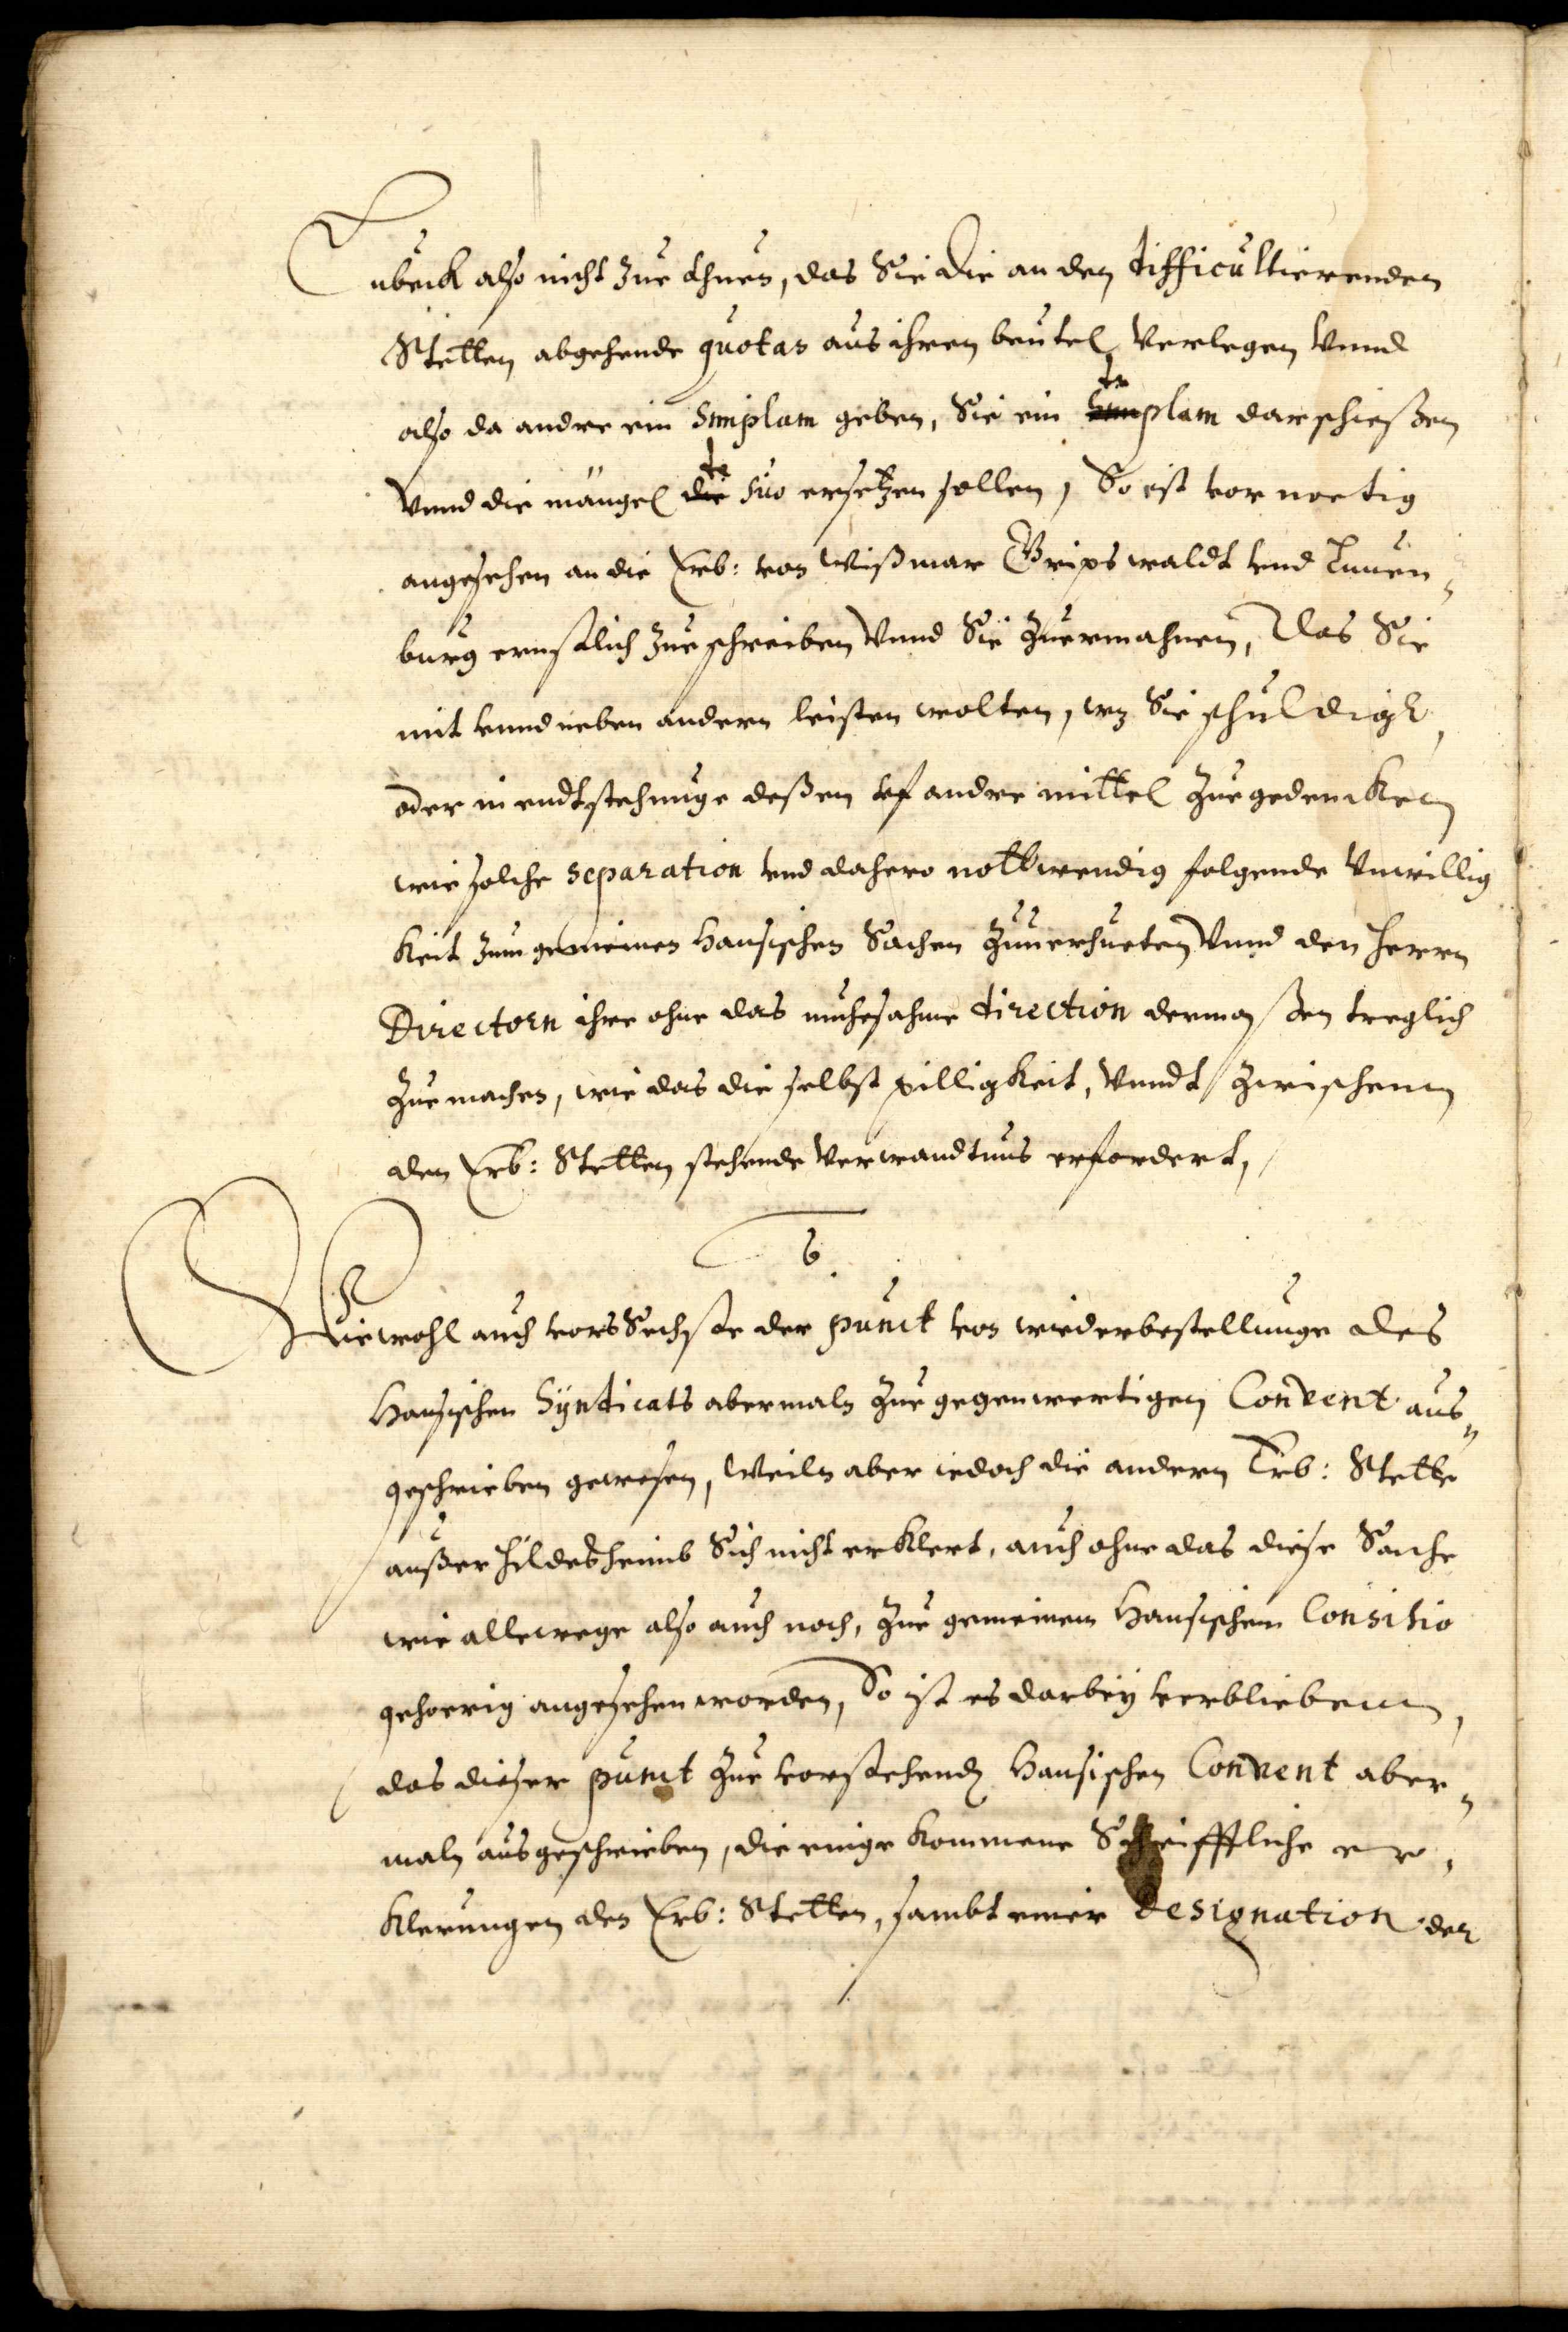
Lubeck also nicht zue thuen, das sie Die an den difficultierenden
Stetten abgehende quotas aus ihren beutel verlegen vnnd
tri
also da andere ein Simplum geben, Sie ein simplam darschießen
vnnd die mängel die suo ersetzen sollen, so ist vor noetig
angesehen an die Erb: von Wißmar Gripswaldt vnd Lunen¬
burg ernstlich zue schreiben Vnnd Sie zuermahnen, Das Sie
mit vnnd neben andern leisten wolten, wen Sie schuldigh,
oder in endtstehnunge deßen vf andre mittel zue gedencken
wir solche separation vnd dahero nottwendig folgende vnwillig
keit zum gemeinen Hansichen Sachen zuuerhueten Vnnd den herrn
Directorn ihre ohne das muhesahme direction dermaßen treglich
zue machen, wie das die selbstpilligkeit, Vnndt zwischen
den Erb: Stetten stehende verwandtnus erfordert,
6.
Wiewohl auch vors Sechste der punct von wiederbestellunge des
Hansischen Sijndicats abermaln zue gegenwertigen Convent aus¬
geschrieben gewesen, Weiln aber iedoch die andern Erb: Stette
außer hildesheimb Sich nicht erklert, auch ohne das diese Sache
wie allewege also auch noch, zue gemeinem Hansischen Consilio
gehoerig angesehen worden, So ist es darbeij verbliebenn,
das dieser punct zue vorstehenden Hansischen Convent aber¬
maln ausgeschrieben, die einige kommene Schrifftliche er¬
klerungen den Erb: Stetten, sambt einer Designation der
